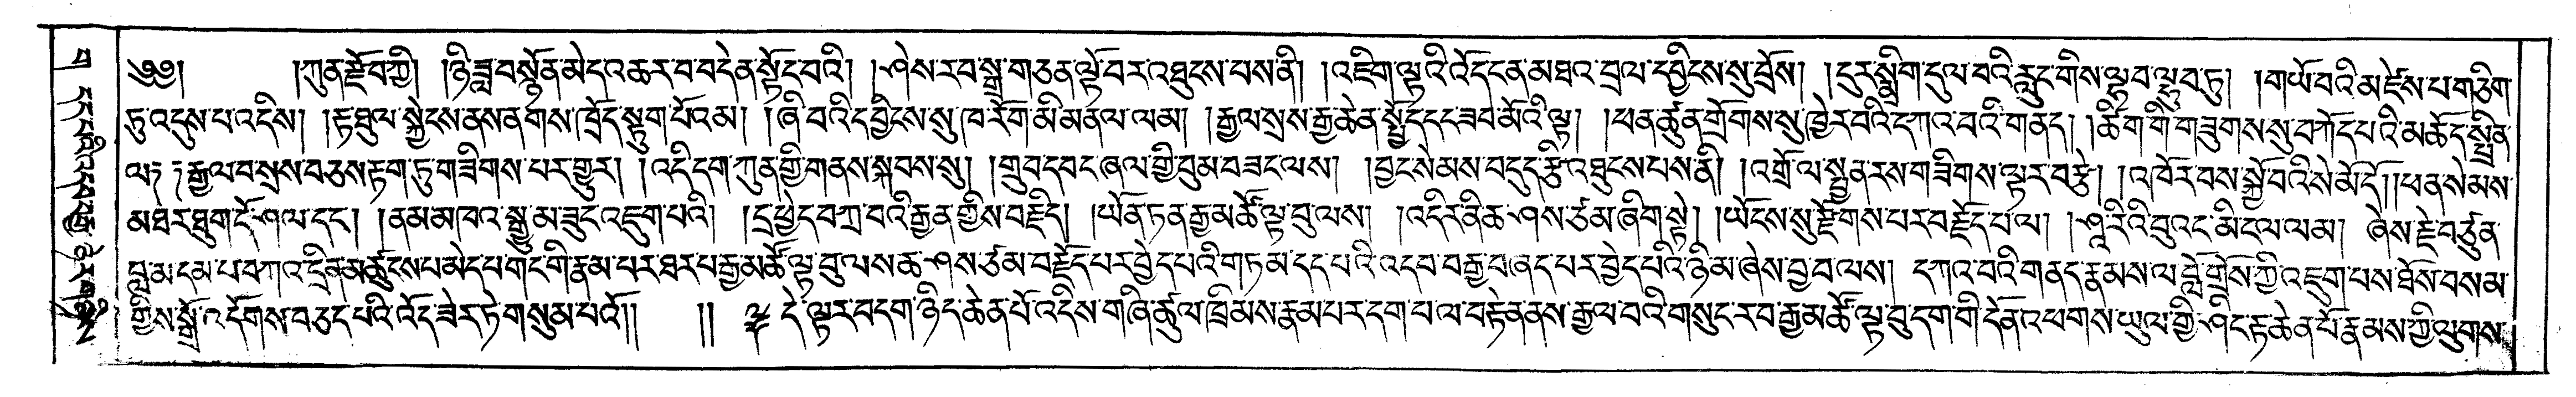༄༅། །ཀུན་རྫོབ་ཀྱི། །ཉི་ཟླ་བསྙོན་མེད་འཆར་བ་བདེན་སྟོང་བའི། །ཤེས་རབ་སྒྲ་གཅན་ལྟོ་བར་འཐུངས་པས་ནི། །འཇིག་ལྟའི་འོད་ངན་མཐའ་བྲལ་དབྱིངས་སུ་བྲོས། །དུར་སྨྲིག་དུལ་བའི་རླུང་གིས་ལྷ་བ་ལྷུབ་ཏུ། །གཡོ་བའི་མཛེས་པ་གཅིག་
ཏུ་འདུས་པ་འདིས། །རྟ་ཐུལ་སྐྱེངས་ནས་ནགས་ཁྲོད་སྟུག་པོའམ། །ཞི་བའི་དབྱིངས་སུ་ཁ་རོག་མི་མནལ་ལམ། །རྒྱལ་སྲས་རྒྱ་ཆེན་སྤྱོད་དང་ཟབ་མོའི་ལྟ། །ཕན་ཚུན་གྲོགས་སུ་ཁྱེར་བའི་དཀའ་བའི་གནད། །ཚིག་གི་གཟུགས་སུ་བཀོད་པའི་མཆོད་སྤྲིན་
ལ༑ ༑རྒྱལ་བ་སྲས་བཅས་རྟག་ཏུ་གཟིགས་པར་གྱུར། །འདི་དག་ཀུན་གྱི་གནས་སྐབས་སུ། །གྲུབ་དབང་ཞལ་གྱི་བུམ་བཟང་ལས། །བྱང་སེམས་བདུད་རྩི་འཐུངས་པས་ནི། །འགྲོ་ལ་སྤྱན་རས་གཟིགས་ལྟར་བརྩེ། །འཁོར་བས་སྐྱོ་བའི་སེ་མོ་དོ། །ཕན་སེམས་
མཐར་ཐུག་དོ་ཤལ་དང་། །ནམ་མཁའ་སྒྱུ་མ་ཟུང་འཇུག་པའི། །དྲ་ཕྱེད་བཀྲ་བའི་རྒྱན་གྱིས་བརྗིད། །ཡོན་ཏན་རྒྱ་མཚོ་ལྟ་བུ་ལས། །འདིར་ནི་ཆ་ཤས་ཙམ་ཞིག་སྟེ། །ཡོངས་སུ་རྫོགས་པར་བརྗོད་པ་ལ། །ཤཱ་རིའི་བུའང་མི་ངལ་ལམ། ཞེས་རྗེ་བཙུན་
བླ་མ་དམ་པ་བཀའ་དྲིན་མཚུངས་པ་མེད་པ་གང་གི་རྣམ་པར་ཐར་པ་རྒྱ་མཚོ་ལྟ་བུ་ལས་ཆ་ཤས་ཙམ་བརྗོད་པར་བྱེད་པའི་གཏམ་དད་པའི་འདབ་བརྒྱ་བཞད་པར་བྱེད་པའི་ཉི་མ་ཞེས་བྱ་བ་ལས། དཀའ་བའི་གནད་རྣམས་ལ་བློ་གྲོས་ཀྱི་འཇུག་པས་ཐོས་བསམ་
གྱིས་སྒྲོ་འདོགས་བཅད་པའི་འོད་ཟེར་ཏེ་གསུམ་པའོ།། །། ༈ དེ་ལྟར་བདག་ཉིད་ཆེན་པོ་འདིས་གཞི་ཚུལ་ཁྲིམས་རྣམ་པར་དག་པ་ལ་བརྟེན་ནས་རྒྱལ་བའི་གསུང་རབ་རྒྱ་མཚོ་ལྟ་བུ་དག་གི་དོན་འཕགས་ཡུལ་གྱི་ཤིང་རྟ་ཆེན་པོ་རྣམས་ཀྱི་ལུགས་